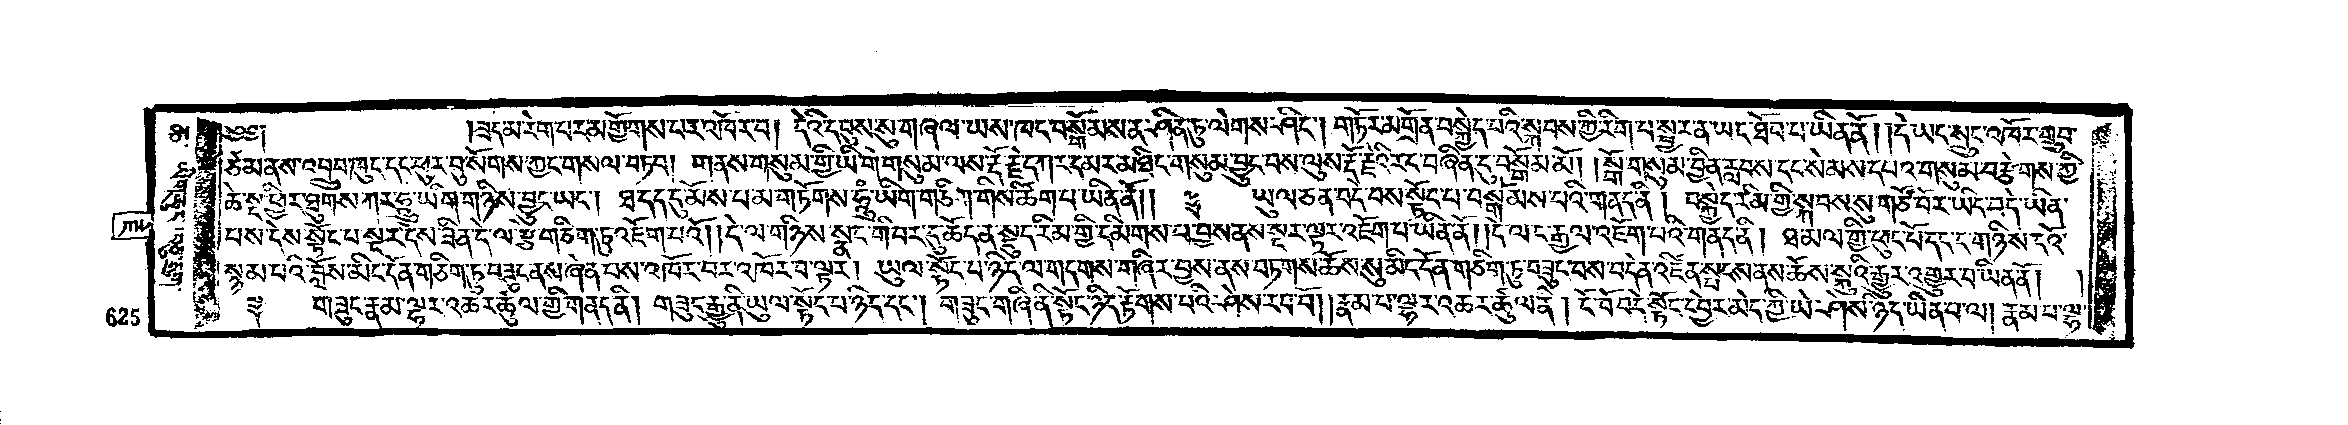༄༅། །ཟད་མ་རེག་པར་མགྱོགས་པར་འཁོར་བ། དེའི་དབུས་སུ་གཞལ་ཡས་ཁང་བསྒོམས་ན་ཤིན་ཏུ་ལེགས་ཤིང་། གཏོར་མགྲོན་བསྐྱེད་པའི་སྐབས་ཀྱི་རིག་པ་སྦྱར་ན་ཡང་ཐོབ་པ་ཡིན་ནོ། །དེ་ཡང་སྲུང་འཁོར་གྲུབ་
ཙམ་ནས་འབྲུབ་ཁུང་དང་ཕུར་བུ་སོགས་ཀྱང་གསལ་བཏབ། གནས་གསུམ་གྱི་ཡི་གེ་གསུམ་ལས་རྡོ་རྗེ་དཀར་དམར་མཐིང་གསུམ་བྱུང་བས་ལུས་རྡོ་རྗེའི་རང་བཞིན་དུ་བསྒོམ་མོ། །སྒོ་གསུམ་བྱིན་རླབས་དང་སེམས་དཔའ་གསུམ་བརྩེགས་ཀྱི་
ཆེ་སྔ་ཕྱིར་ཐུགས་ཀར་ཧཱུཾ་ཡིག་གཉིས་བྱུང་ཡང་། ཐ་དད་དུ་མོས་པ་མ་གཏོགས་ཧཱུཾ་ཡིག་གཅིག་གིས་ཆོག་པ་ཡིན་ནོ། ། ༈ ཡུལ་ཅན་བདེ་བས་སྟོང་པ་བསྒོམས་པའི་གནད་ནི། བསྐྱེད་རིམ་གྱི་སྐབས་སུ་གཙོ་བོར་ཡིད་བདེ་ཡིན་
པས་དེས་སྟོང་པ་སྔར་ངེས་ཟིན་དེ་ལ་རྩེ་གཅིག་ཏུ་འཇོག་པའོ། །དེ་ལ་གཉིས་སྣང་གི་བར་དུ་ཆོད་ན་སྡུད་རིམ་གྱི་དམིགས་པ་བྱས་ནས་སྔར་ལྟར་འཇོག་པ་ཡིན་ནོ། །དེ་ལ་ང་རྒྱལ་འཇོག་པའི་གནད་ནི། ཐ་མལ་གྱི་ཕུང་པོ་དང་ང་གཉིས་ངའི་?
སྙམ་པའི་བློས་མིང་དོན་གཅིག་ཏུ་བཟུང་ནས་ཞེན་པས་འཁོར་བར་འཁོར་བ་ལྟར། ཡུལ་སྟོང་པ་ཉིད་ལ་གདགས་གཞིར་བྱས་ནས་བཏགས་ཆོས་སུ་མིང་དོན་གཅིག་ཏུ་བཟུང་བས་བདེན་འཛིན་སྤངས་ནས་ཆོས་སྐུའི་རྒྱུར་འགྱུར་བ་ཡིན་ནོ། །
༈ གཟུང་རྣམ་ལྷར་འཆར་ཚུལ་གྱི་གནད་ནི། གཟུང་རྒྱུ་ནི་ཡུལ་སྟོང་པ་ཉིད་དང་། གཟུང་གཞི་ནི་སྟོང་ཉིད་རྟོགས་པའི་ཤེས་རབ་བོ། །རྣམ་པ་ལྷར་འཆར་ཚུལ་ནི། ངོ་བོ་བདེ་སྟོང་དབྱེར་མེད་ཀྱི་ཡེ་ཤེས་ཉིད་ཡིན་པ་ལ། རྣམ་པ་ལྷ་